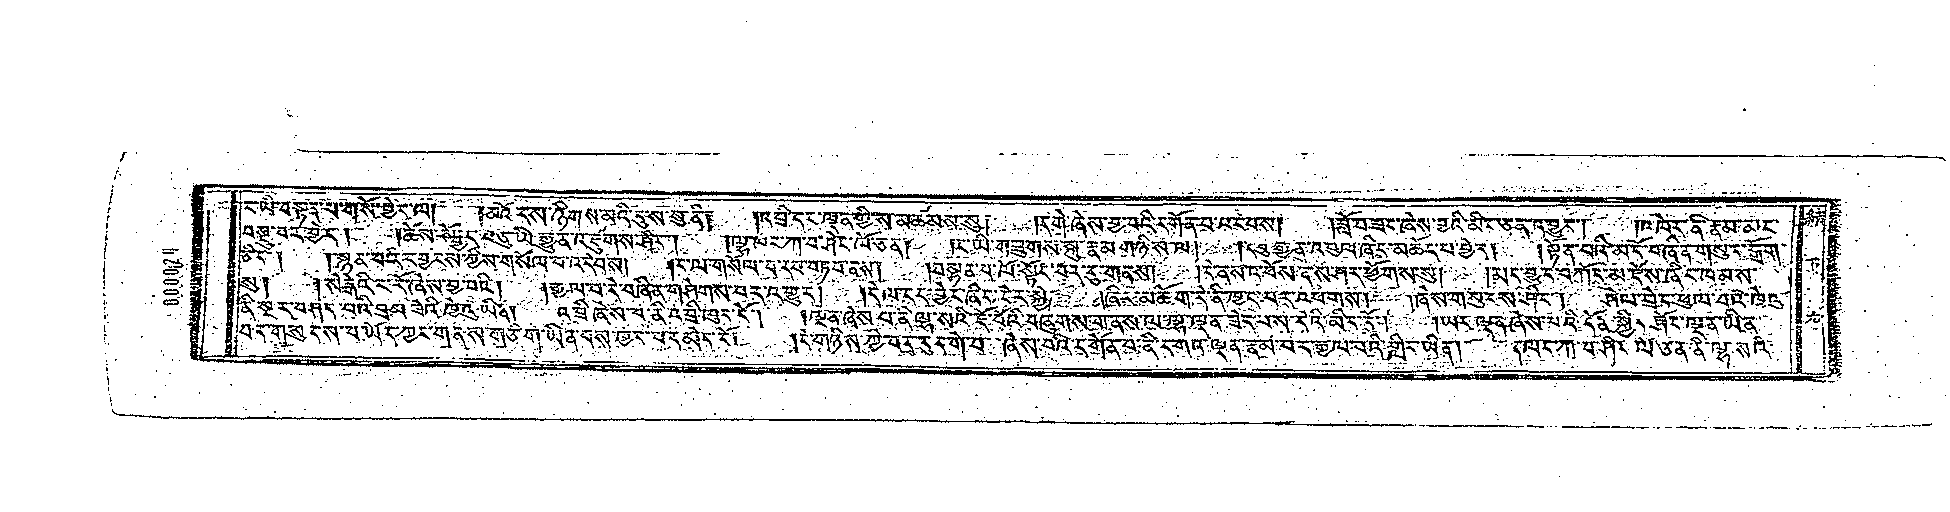ང་ཡི་བསྟན་པ་གསོ་བྱེད་ལ། །མ་འོངས་ཉིགས་མའི་དུས་སུ་ནི། །འབྲི་དང་ལྡན་གྱིས་མཚམས་སུ། །དགེ་ཞེས་བྱ་བའི་དགོན་པ་འདེབས། །བློ་བཟང་ཞེས་བྱའི་མིང་ཅན་འབྱུང་། །འཁོར་ནི་རྣམ་མང་
བསྔ་བར་བྱེད། །ཆོས་སྤྱོད་བཅུ་ཡི་རྒྱུན་འཛུགས་ཤིང་། །ལྷ་ཁང་ཀ་བ་ཤིང་ལོ་ཅན། །ང་ཡི་གཟུགས་སྐུ་རྣམ་གཉིས་ལ། །དབུ་རྒྱན་འབུལ་ཞིང་མཆོད་པ་བྱེད། །སྟོན་པའི་མདོ་བཞིན་གསུང་སྒྲོག་
ཅིང་། །སྙན་པའི་དབྱངས་ཀྱིས་གསོལ་བ་འདེབས། །ང་ལ་གསོལ་བ་རབ་བཏབ་ནས། །བསྟན་པ་ལོ་སྟོང་བར་དུ་གནས། །དེ་ནས་འཕོས་ནས་ཤར་ཕྱོགས་སུ། །མང་བྱུང་བཀོད་མཛེས་ཞིང་ཁམས་
སུ། །སེངྒེའི་ང་ངོ་ཞེས་བྱ་བའི། །རྒྱལ་བ་དེ་བཞིན་གཤེགས་པར་འགྱུར། །དེ་ལ་དང་བྱེད་ཞིང་དེར་སྐྱེ། །ཞིང་མཆོག་དེ་ནི་ཁྱད་པར་འཕགས། །ཞེས་གསུངས་ཤིང་། ཤེལ་ཕྲེང་ཕུལ་བའི་ཁྱེའུ་
ནི་སྔར་བཤད་པའི་བྲམ་ཟེའི་ཁྱེའུ་ཡིན། འབྲི་ཞེས་པ་ནི་འབྲི་ཁུང་ངོ། །ལྡན་ཞེས་པ་ནི་ལྷ་སའི་ཇོ་བོའི་བཞུགས་གནས་ལ་ལྷ་ལྡན་ཟེར་བས་དེའི་མིང་ངོ། །ཡང་ལྡན་ཞེས་པའི་དོན་སྐྱིད་ཤིང་ལྡན་ཡིན་
བར་གསུངས་པ་ཡོད་ཀྱང་གནས་གཅིག་ཡིན་པས་ཁྱད་པར་མེད་དོ། །དེ་གཉིས་ཀྱི་བར་དུ་དགེ་བ་ཞེས་པའི་དགོན་པ་ནི་དགའ་ལྡན་རྣམ་པར་རྒྱལ་བའི་གླིང་ཡིན། དེ་ལང་ཀ་བ་ཤིང་ལོ་ཅན་ནི་ལྷ་སའི་